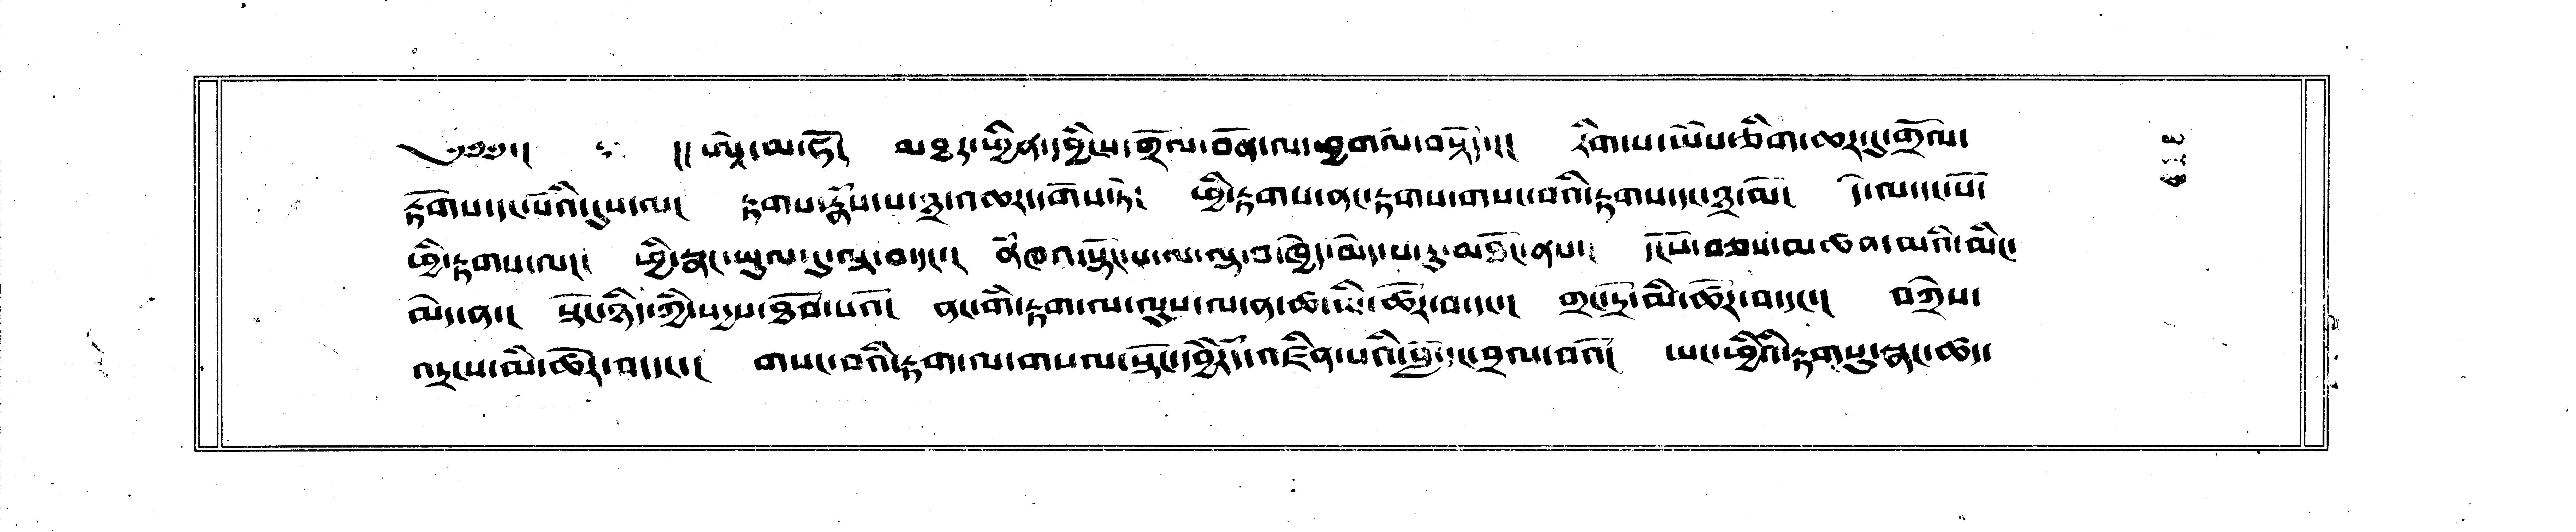ཨེ་མ་ཧོ།། མཐར་ཕྱིན་དབྱིངས་གྲོལ་བོན་ལ་ཕྱག་འཚལ་ལོ། རིག་པའི་ཡེ་ཤེས་ཅིག་འཆར་དུ་གྲོལ་ནས། 
རྟོགས་པ་དང་པོའི་དུས་ལ། རྟགས་རྣམས་པ་གསུམ་ཤར་དགོས་ཏེ། ཕྱི་རྟགས་ནང་རྟགས་གསང་བའི་རྟགས་དང་གསུམ་མོ། དེ་ལ་དང་པོ་
ཕྱིའི་རྟགས་ལ། ཕྱི་སྣང་ཡུལ་ལ་ལྟ་བ་དང་། ནམ་མཁའ་སྟོང་པ་ལ་ལྟ་བ་ཁྱད་མེད་པ་རུ་མཐོང་ནས། དངོས་བཅས་མཚན་མའི་མིང་
མེད་ནས། སྟོང་ཉིད་ཀྱིས་རྒྱས་ཐེབ་པའོ། ནང་གིས་རྟགས་ལ་ལུས་པོ་ལ་ན་ཚ་མི་ཚོར་བ་དང་། དྲོ་གྲང་མི་ཚོར་བ་དང་། བཀྲེས་
འགྲང་མི་ཚོར་བ་འོང་། གསང་བའི་རྟགས་ལ་གསལ་སྟོང་དབྱེར་མེད་འཛིན་པའི་བློ་དང་བྲལ་བའོ། ཡང་ཕྱིའི་རྟགས་ལ། སྣང་ཚད་ཐམས་ཅད་